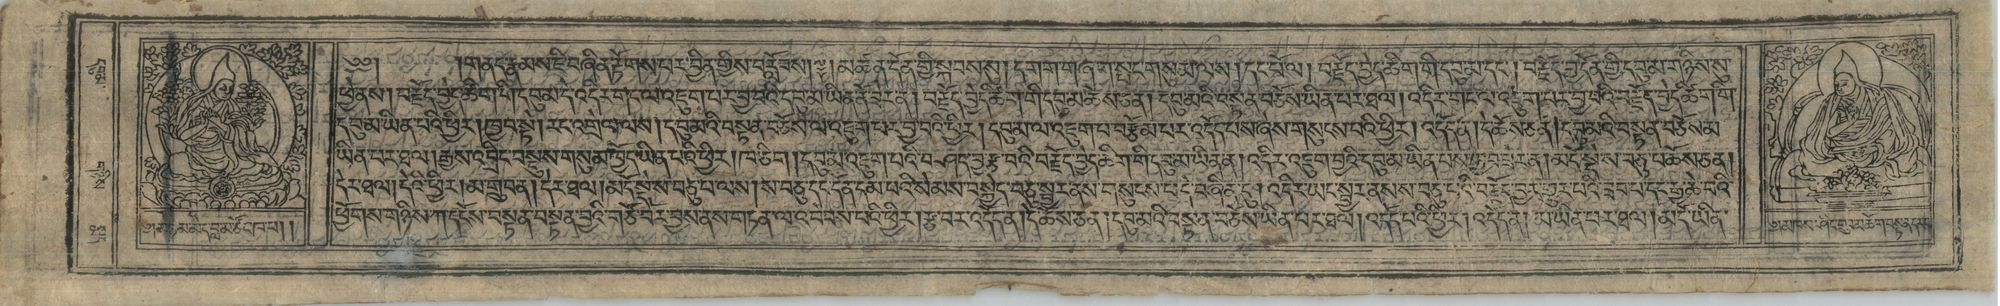༄༅། །གནད་རྣམས་ཇི་བཞིན་རྟོགས་པར་བྱིན་གྱིས་བརློབས། ༈ །མཚན་དོན་གྱི་སྐབས་སུ། དགག་གཞག་སྤང་གསུམ་ལས། དང་པོ་ལ། བརྗོད་བྱེད་ཚིག་གི་དབུ་མ་དང་། བརྗོད་བྱ་དོན་གྱི་དབུ་མ་གཉིས་སུ་
ཕྱེ་ནས། བརྗོད་བྱེད་ཚིག་གི་དབུ་མ་དེ་འདིར་གང་ལ་འཇུག་པར་བྱ་བའི་དབུ་མ་ཡིན་ནོ་ཟེར་ན། བརྗོད་བྱེད་ཚིག་གི་དབུ་མ་ཆོས་ཅན། དབུ་མའི་བསྟན་བཅོས་ཡིན་པར་ཐལ། འདིར་གང་ལ་འཇུག་པར་བྱ་བའི་བརྗོད་བྱེད་ཚིག་གི་
དབུ་མ་ཡིན་པའི་ཕྱིར། ཁྱབ་སྟེ། རང་འགྲེལ་ལས། དབུ་མའི་བསྟན་བཅོས་ལ་འཇུག་པར་བྱ་བའི་ཕྱིར། དབུ་མ་ལ་འཇུག་པ་བརྩོམྤར་འདོད་པས་ཞེས་གསུངས་པའི་ཕྱིར། འདོད་ན། དེ་ཆོས་ཅན། དབུ་མའི་བསྟན་བཅོས་མ་
ཡིན་པར་ཐལ། རྒྱས་འབྲིང་བསྡུས་གསུམ་ཁྱོད་ཡིན་པའི་ཕྱིར། ཁ་ཅིག །དབུ་མ་འཇུག་པའི་བཤད་བྱ་རྩ་བའི་བརྗོད་བྱེད་ཚིག་གི་དབུ་མ་ཡིན་ན། འདིར་འཇུག་བྱའི་དབུ་མ་ཡིན་པས་ཁྱབ་ཟེར་ན། མདོ་སྡེ་ས་བཅུ་པ་ཆོས་ཅན།
དེར་ཐལ། དེའི་ཕྱིར། མ་གྲུབ་ན། དེར་ཐལ། མདོ་སྡེ་ས་བཅུ་པ་ལས། ས་བཅུ་དང་དོན་དམ་པའི་སེམས་བསྐྱེད་བཅུ་སྦྱར་ནས་གསུངས་པ་དེ་བཞིན་དུ། འདིར་ཡང་སྦྱར་ནས་ས་བཅུ་པའི་བརྗོད་བྱར་གྱུར་པའི་ཟབ་པ་དང་རྒྱ་ཆེ་བའི་
ཕྱོགས་གཉིས་ཀ་དངོས་བསྟན་བསྟན་བྱའི་གཙོ་བོར་བྱས་ནས་གཏན་ལ་འབེབས་པའི་ཕྱིར། རྩ་བར་འདོད་ན། དེ་ཆོས་ཅན། དབུ་མའི་བསྟན་བཅོས་ཡིན་པར་ཐལ། འདོད་པའི་ཕྱིར། འདོད་ན། མ་ཡིན་པར་ཐལ། མདོ་ཡིན་